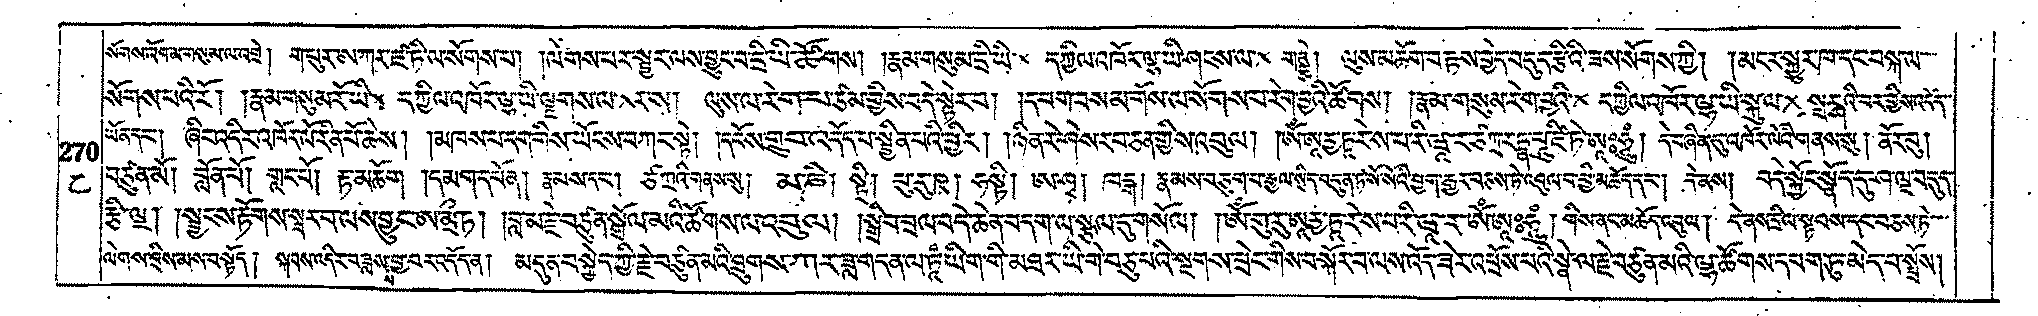སོགས་འོག་མ་གསུམ་ལ་འགྲེ། ག་པུར་ཨ་ཀར་ཛ་ཏི་ལ་སོགས་པ། །ལེགས་པར་སྦྱར་ལས་བྱུང་བ་དྲི་ཡི་ཚོགས། །རྣམ་གསུམ་དྲི་ཡི་྾་དཀྱིལ་འཁོར་ལྷ་ཡི་ཤངས་ལ་྾་གནྡྷེ། ལུས་མཆོག་བརྟས་བྱེད་བདུད་རྩིའི་ཟས་སོགས་ཀྱི། །མངར་སྐྱུར་ཁ་དང་བསྐ་ལ་་་
སོགས་པའི་རོ། །རྣམ་གསུམ་རོ་ཡི་྾་དཀྱིལ་འཁོར་ལྷ་ཡི་ལྗགས་ལ་྾་ར་ས། ལུས་ལ་རེག་པ་ཙམ་གྱིས་བདེ་སྟེར་བ། །དཔག་བསམ་གོས་ལ་སོགས་པ་རེག་བྱའི་ཚོགས། །རྣམ་གསུམ་རེག་བྱའི་྾་དཀྱིལ་འཁོར་ལྷ་ཡི་སྐུ་ལ་྾་སྤརྴའི་བར་གྱིས་འདོད་་་
ཡོན་དང་། ཞིང་འདིར་འཁོར་ལོ་རིན་པོ་ཆེས། །མཁས་པ་དག་གིས་ཡོངས་བཀང་སྟེ། །དངོས་གྲུབ་འདོད་པ་སྦྱིན་པའི་ཕྱིར། །ཉིན་རེ་ཤེས་རབ་ཅན་གྱིས་འབུལ། །ཨོཾ་ཨཱརྱ་ཏཱ་རེ་ས་པ་རི་ཝཱ་ར་ཙཀྲ་རཏྣ་པཱུ་ཛི་ཏེ་ཨཱཿ ཧཱུཾ། དེ་བཞིན་དུ་འཁོར་ལོའི་གནས་སུ།  ནོར་བུ།
བཙུན་མོ། བློན་པོ། གླང་པོ། རྟ་མཆོག །དམག་དཔོན། རྣམས་དང་།  ཙཀྲའི་གནས་སུ།  མ་ཎི། སྟྲི། པུ་རུ་ཥ། ཧསྟི། ཨ་ཤྭ། ཁངྒ། རྣམས་བཅུག་པ་རྒྱལ་སྲིད་བདུན་ཏེ་སོ་སོའི་ཕྱག་རྒྱར་བཅས་ཏེ་འབུལ་པ་ཕྱི་མཆོད་དང་། དེ་ནས།  བདེ་སྐྱོང་སྣོད་དུ་ཤ་ལྔ་བདུད་
རྩི་ལྔ། །སྦྱངས་རྟོགས་སྦར་བ་ལས་བྱུང་ཨ་མྲྀ་ཏ། །བླ་མ་རྗེ་བཙུན་སྒྲོལ་མའི་ཚོགས་ལ་འབུལ། །སྒྲིབ་བྲལ་བདེ་ཆེན་བདག་ལ་སྩལ་དུ་གསོལ། །ཨོཾ་གུ་རུ་ཨཱརྱ་ཏཱ་རེ་ས་པ་རི་ཝཱ་ར་ཨོཾ་ཨཱཿཧཱུཾ། གིས་ནང་མཆོད་འབུལ། དེ་ནས་དྲིལ་སྟབས་དང་བཅས་ཏེ་་་
ལེགས་བྲིས་མས་བསྟོད། སྐབས་འདིར་བཟླས་པ་བྱ་བར་འདོད་ན། མདུན་བསྐྱེད་ཀྱི་རྗེ་བཙུན་མའི་ཐུགས་ཀར་ཟླ་གདན་ལ་ཏཱཾ་ཡིག་གི་མཐར་ཡི་གེ་བཅུ་པའི་སྔགས་ཕྲེང་གིས་བསྐོར་བ་ལས་འོད་ཟེར་འཕྲོས་པའི་སྣེ་ལ་རྗེ་བཙུན་མའི་ལྷ་ཚོགས་དཔག་ཏུ་མེད་པ་སྤྲོས།